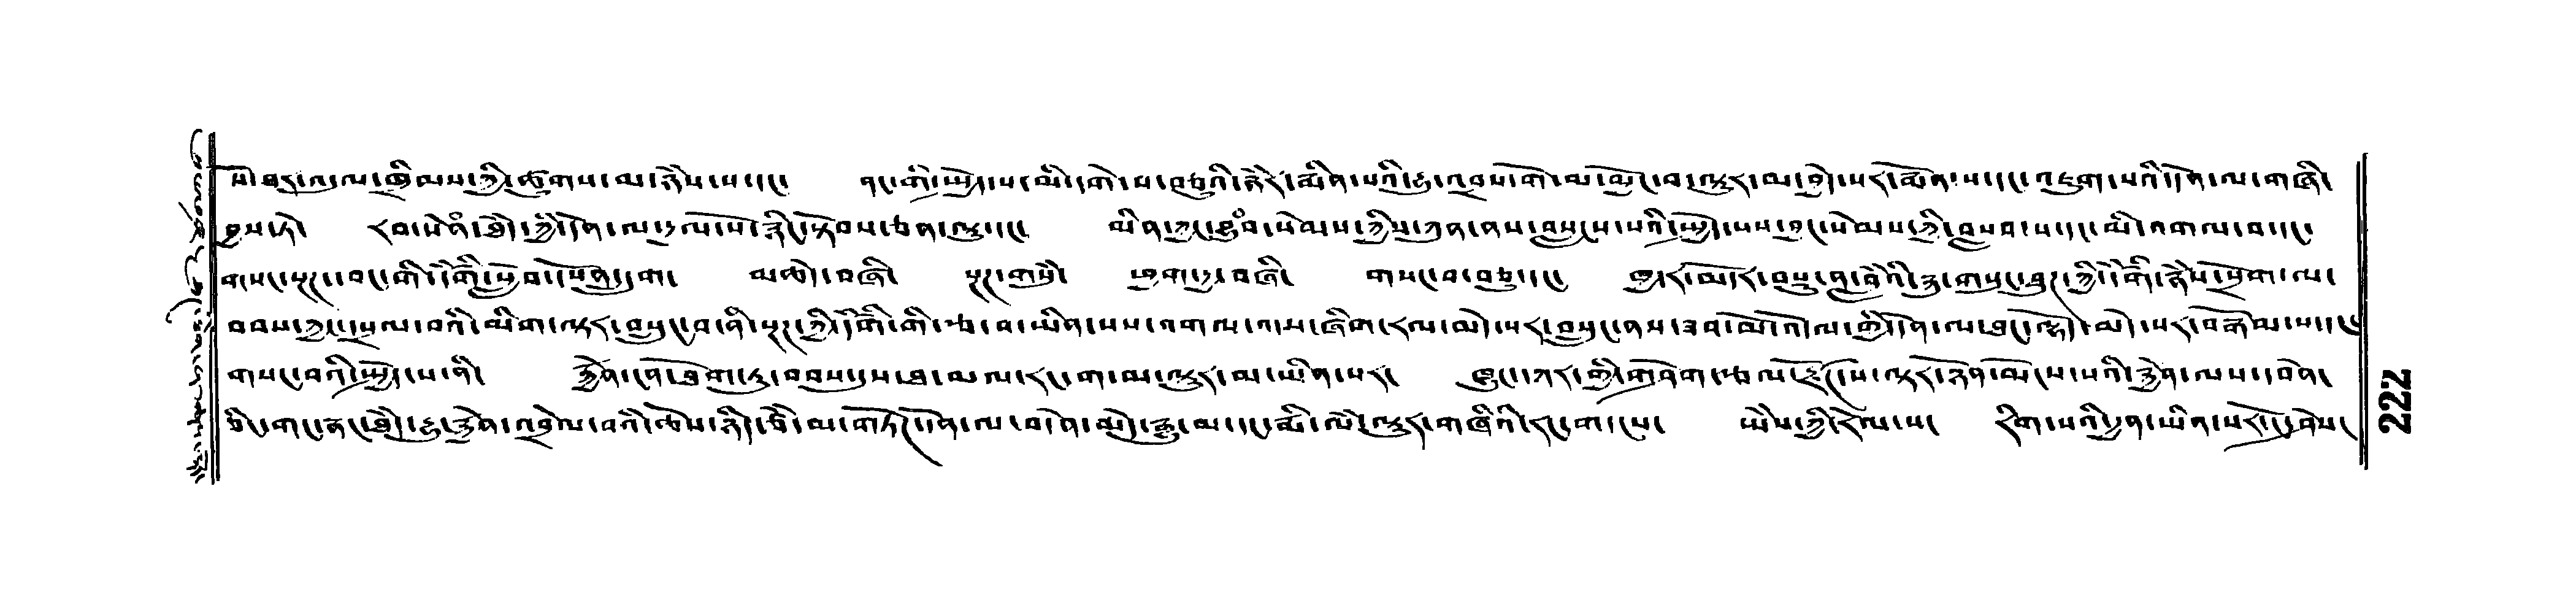སོ་ཐར་འདུལ་ཁྲིམས་ཀྱི་ཚུགས་མ་ཉམས་པ་དང་། ནང་གི་སྤྱོད་པ་མི་དགེ་བ་བཅུའི་རྣམ་པར་སྨིན་པའི་རྒྱུ་འབྲས་གོ་མ་མྱོང་བ་ལྟ་བུ་མི་བྱེད་པར་སྨོན་པ་དང་འཇུག་པའི་དོན་ལ་གཞི་
བྱས་ཏེ། རབ་སེམས་ཅན་ཐམས་ཅད་ཀྱི་དོན་ལ་རྒྱལ་པོ་སྙིང་སྟོབས་ཅན་ལྟ་བུ་དང་། མིན་ཀྱང་བྱང་ཆུབ་སེམས་ཀྱིས་ཀུན་ནས་བསླངས་པའི་སྤྱོད་པས་བྱང་སེམས་ཀྱི་བསླབ་པ་དང་མི་འགལ་བ་དང་། 
གསང་སྔགས་དབང་གི་དམ་ཚིག་སློབ་དཔོན་དྲུག མཆེད་བཞི། སྔགས་གསུམ། ཕྱག་རྒྱ་བཞི། གསང་བ་བཅུ་དང་། ཁྱད་པར་མདོར་བསྡུ་ན་བླ་མའི་སྐུ་གསུང་ཐུགས་ཀྱི་དམ་ཚིག་རྣམས་སྲོག་ལ་
བབས་ཀྱང་དཔྲལ་བའི་མིག་ལྟར་བསྲུང་བ་ནི་སྔགས་ཀྱི་དམ་ཚིག་གི་རྩ་བ་ཡིན་པས་འགལ་འདས་ཞིག་རལ་མེད་པར་བསྲུང་ནས་ཟབ་མོ་འོད་གསལ་གྱི་དོན་ལ་ཐང་ལྷོད་མེད་པར་བསྒོམ་པ་དང་
གསང་བའི་སྤྱོད་པ་ནི། རྐྱེན་ངན་ཐོག་ཏུ་བབས་དུས་ཐ་མལ་རང་ག་མ་ལྟ་བུ་མ་ཡིན་པར། ཁྱུང་དཀར་གྱི་གཤོག་རྩལ་རྫོགས་པ་ལྟར་ཉོན་མོངས་པའི་རྐྱེན་ལས་དབེན་
ཅིང་གང་སྣང་ཐམས་ཅད་རྒྱུ་རྐྱེན་འབྲེལ་བའི་ཆོས་ཉིད་ཙམ་མ་གཏོགས་དོན་ལ་བདེན་མེད་སྒྱུ་མ་དང་རྨི་ལམ་ལྟ་བུ་གཞིའི་རང་གདངས། ཡེ་ཤེས་ཀྱི་རོལ་པ། རིག་པའི་རྒྱན་ཡིན་པར་ངོ་ཤེས་